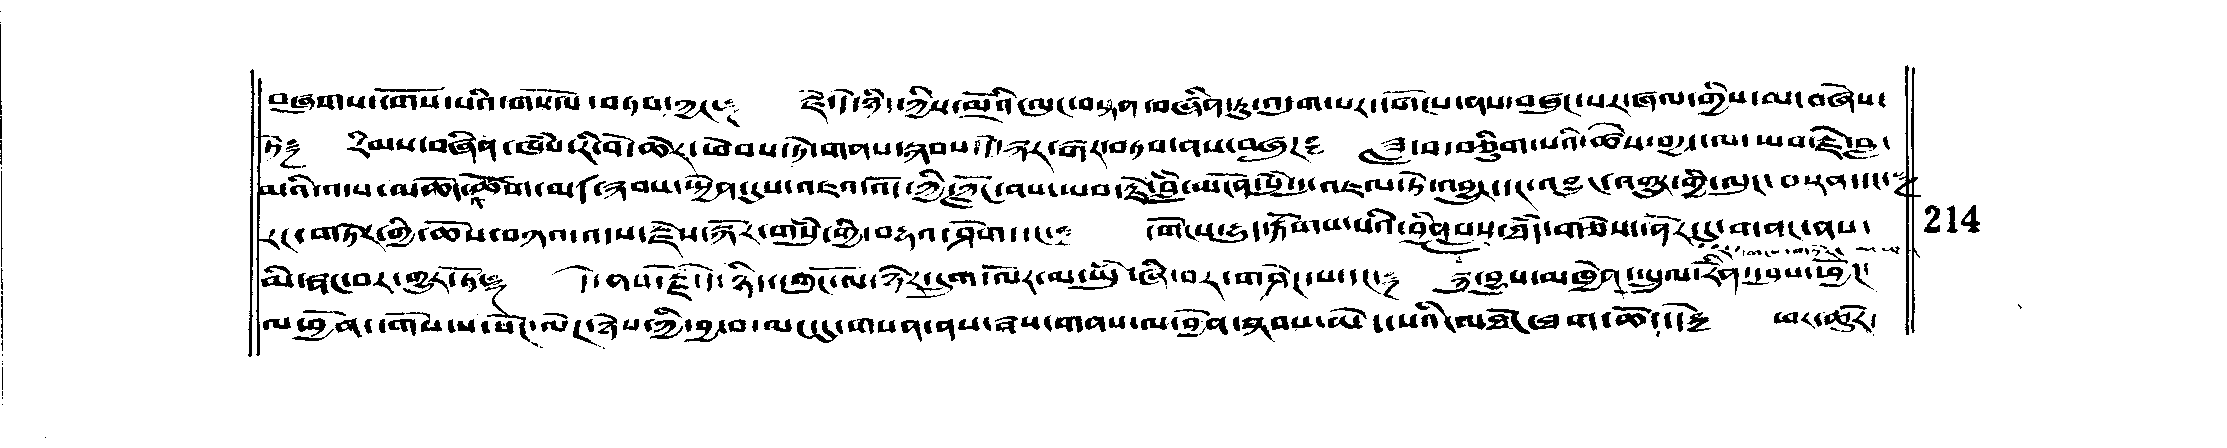བཞུགས་དགོས་པའི་གསོལ་བཏབ་ཀྱང་། རྗེ་དེ་ཉིད་ཀྱིས་མཁའ་འགྲོའི་ལུང་བསྟན་བཞིན་དུ་འདུག་པར་དགོངས་ནས་བཞུགས་པར་ཞལ་གྱིས་མ་བཞེས་
ཏེ། རིམས་བཞིན་ཁམས་རི་བོ་ཆེར་ཕེབས་ཏེ་གནས་སྐབས་དེ་ཀར་སྒར་བཏབ་ནས་བཞུགས། ཟླ་བ་བཅུ་གཅིག་པའི་ཚེས་བརྒྱད་ལ་ཡབ་རྗེས་བླ་
མའི་འདས་མཆོད་འཚོགས་མཛད་སྐབས་སྤྱན་འདྲེན་དུས་འཇའ་འོད་ཀྱི་ཀློང་ནས་ཡབ་རྗེ་བླ་མ་མངོན་སུམ་དུ་མཇལ་ཏེ་འབྱུང་དང་འབྱུང་འགྱུར་གྱི་ལུང་བསྟན་དང་། 
རང་གཏེར་གྱི་ཆོས་བཀའ་འདས་རྗེས་སྐོར་གསུམ་གྱི་བརྡའ་ཤོག་དང་། དགོངས་རྒྱུད་རྟོགས་པའི་བྱིན་རླབས་ཐམས་ཅད་གཅེས་ནོར་དུ་གནང་ནས་
མི་སྣང་བར་གྱུར་ཏོ། དེ་ནས་རྗེ་དེ་ཉིད་དགུང་ལོ་ཉེར་དྲུག་ལོར་མ་ཡུམ་ཞི་བར་གཤེགས་པ་དང་། སྐུ་ནུས་མཁྱེན་སྤྲུལ་རིན་ཆེན་དབུས་ཕྱོགས་
ལ་བྱོན་དགོས་པ་སོགས་ལེགས་ཉེས་ཀྱི་བྱ་བ་མང་དུ་གསན་ནས་སྦས་གནས་ལ་བྱོན་སྟབས་མེད་པའི་མཐོང་ཐག་ཆོད་དོ།ཕར་ཚུར་